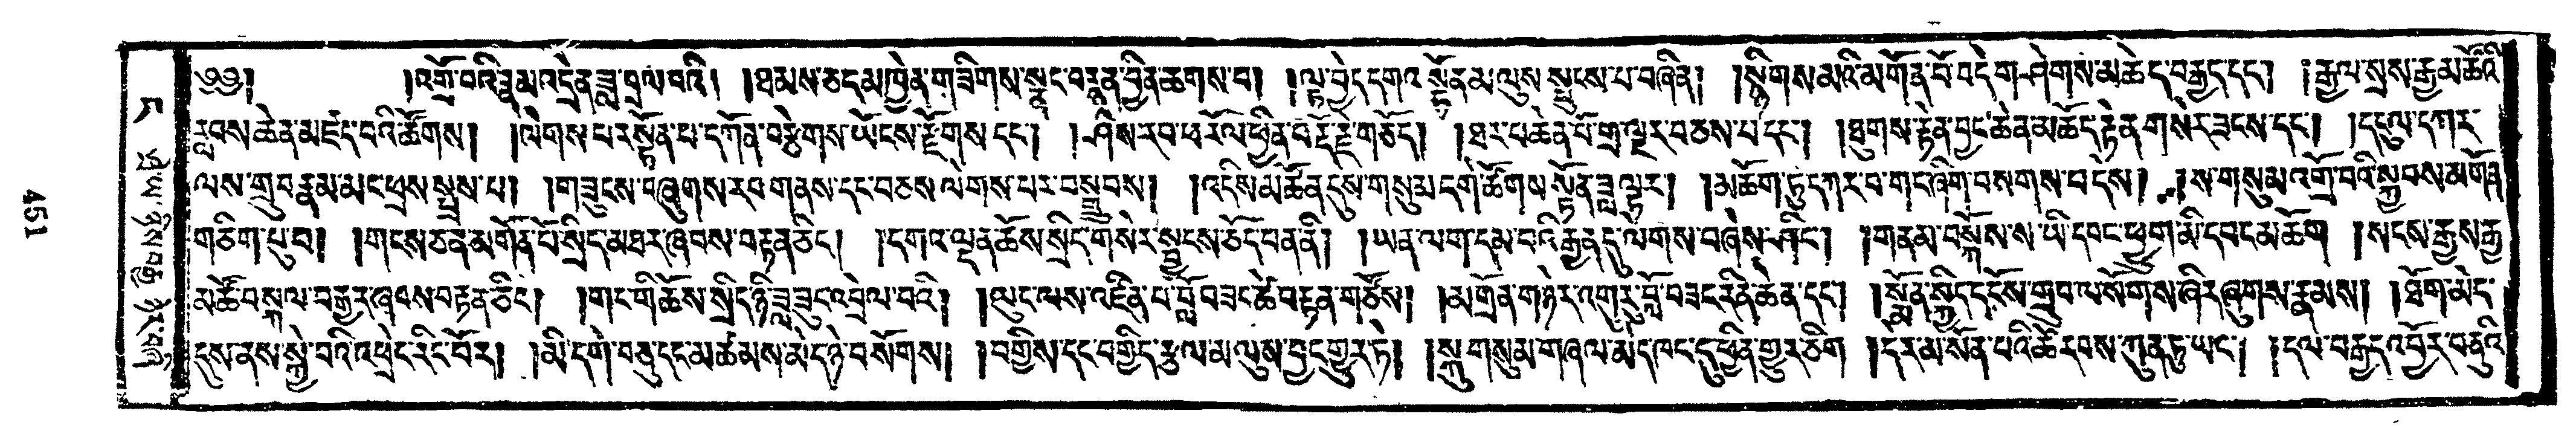༄༅། །འགྲོ་བའི་རྣམ་འདྲེན་ཟླ་བྲལ་བའི། །ཐམས་ཅད་མཁྱེན་གཟིགས་སྣང་བརྙན་བྱིན་ཆགས་བ། །ལྟ་བྱེད་དགའ་སྟོན་མ་ལུས་སྤུངས་པ་བཞིན། །སྙིགས་མའི་མགོན་བོ་བདེ་གཤེགས་མཆེད་བརྒྱད་དང་། །རྒྱལ་སྲས་རྒྱ་མཚོའི་
རླབས་ཆེན་མཛད་བའི་ཚོགས། །ལེགས་པར་སྟོན་པ་དཀོན་བརྩེགས་ཡོངས་རྫོགས་དང་། །ཤེས་རབ་ཕ་རོལ་ཕྱིན་བ་རྡོ་རྗེ་གནང་། །ཐར་པ་ཆེན་པོ་གྲ་ལྔར་བཅས་པ་དང་། །ཐུགས་རྟེན་བྱང་ཆེན་མཆོད་རྟེན་གསེར་ཟངས་དང་། །དངུལ་དཀར་
ལས་གྲུབ་རྣམ་མང་ཕྲས་སྤྲས་པ། །གཟུངས་བཞུགས་རབ་གནས་དང་བཅས་ལེགས་པར་བསྒྲུབས། །འདིས་མཚོན་དུས་གསུམ་དགེ་ཚོགས་སྟོན་ཟླ་ལྟར། །མཆོག་ཏུ་དཀར་བ་གང་ཞིག་བསགས་བ་དེས། །ས་གསུམ་འགྲོ་བའི་སྐྱབས་མགོན་
གཅིག་པུ་བ། །གངས་ཅན་མགོན་པོ་སྲིད་མཐར་ཞབས་བརྟན་ཅིང་། །དགའ་ལྡན་ཆོས་སྲིད་གསེར་སྦྱངས་ཅོད་པན་ནི།། ཡན་ལག་དམ་བའི་རྒྱན་དུ་ལགས་བཞེས་ཤིང་། །གནམ་བསྐོས་ས་ཡི་དབང་ཕྱུག་མི་དབང་མཆོག །སངས་རྒྱས་རྒྱ་
མཚོ་བསྐལ་བརྒྱར་ཞབས་བརྟན་ཅིང་། །གང་གི་ཆོས་སྲིད་ཉི་ཟླ་ཟུང་འབྲེལ་བའི། །ལུང་ལས་འཛིན་པ་བློ་བཟང་ཚེ་བརྟན་གཙོས། །མགྲོན་གཉེར་འགྲུབ་བློ་བཟང་རིན་ཆེན་དང་། །སྨོན་སྐྱིད་དངོས་གྲུབ་ལ་སོགས་ཞིར་ཞུགས་རྣམས། །ཐོག་མེད་
དུས་ནས་སྐྱེ་བའི་འཕྲེང་རིང་བོར། །མི་དགེ་བཅུ་དང་མཚམས་མེད་ཉེ་བ་སོགས། །བགྱིས་དང་བགྱིད་རྩ་ལམ་ལུས་བྱང་གྱུར་ཏེ། །སྐུ་གསུམ་གཞལ་མེད་ཁང་དུ་ཕྱིན་གྱུར་ཅིག །དེར་མ་སོན་པའི་ཚེ་རབས་ཀུན་ཏུ་ཡང་། །དལ་བརྒྱད་འབྱོར་བཅུའི་